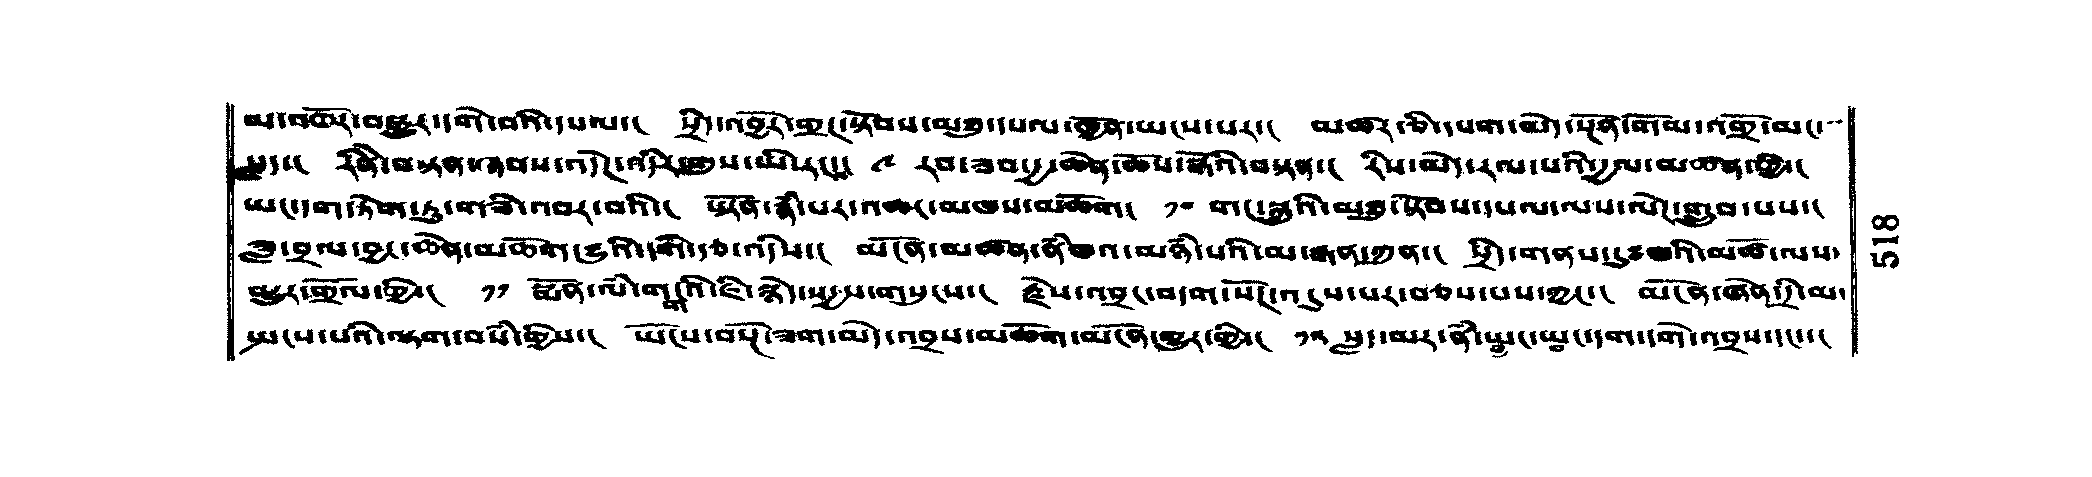མ་འཁོར་བསྒྱུར་དགེ་བའི་དཔལ། །སྲིད་འབྱོར་གྲགས་སྟོབས་མཐུ་དཔལ་ཁྱོན་ཡངས་པར། །མཚར་ཅི་དཔག་མེད་སྔོན་གོམ་འགྲོ་མང་
སླད། །རིན་ཆེན་བསྟན་ཞབས་འདེགས་འདིར་གུས་ཡི་རང་། ༩ །རབ་ཟབ་རྒྱ་ཆེན་ཆོས་སྒོའི་བསྟན། །རིས་མེད་རལ་པའི་རྒྱལ་མཚན་གྱི། །
ཡང་དག་ཏོག་ཏུ་གཟི་འབར་བའི། །ཡོན་ཏན་རྣམ་པར་འཆང་མཁས་མཆོག ༡༠ །གང་སྐུའི་མཐུ་སྟོབས་དཔལ་ལས་ལེགས་གྲུབ་པས། །
ཟླ་བྲལ་བྱང་ཆེན་མཆོག་རྒྱུའི་དགེ་རྩ་འདིས། །མངོན་མཚན་ནམ་མཁའ་མཉམ་པའི་མ་རྒན་ཀུན། །སྲིད་གནས་དུཿཁའི་མཚོ་ལས་
མྱུར་གྲོལ་གྱི། ༡༡ །སྨོན་ལམ་གངྒའི་ཇི་སྙེད་སངས་རྒྱས་གསུངས། །རྗེས་འབྲང་བདག་སོགས་འདུས་པར་བཅས་པས་ཀྱང་། །མངོན་ཞེན་དྲི་མ་
སྤངས་པའི་ལྷག་བསམ་གྱིས། །ཡོངས་བསྔོ་ཟག་མེད་འབྲས་མཆོག་མངོན་གྱུར་གྱི། ༡༢ །སླད་མར་ནམ་ཡང་ཡང་དག་དགེ་འབྲས་དང་།